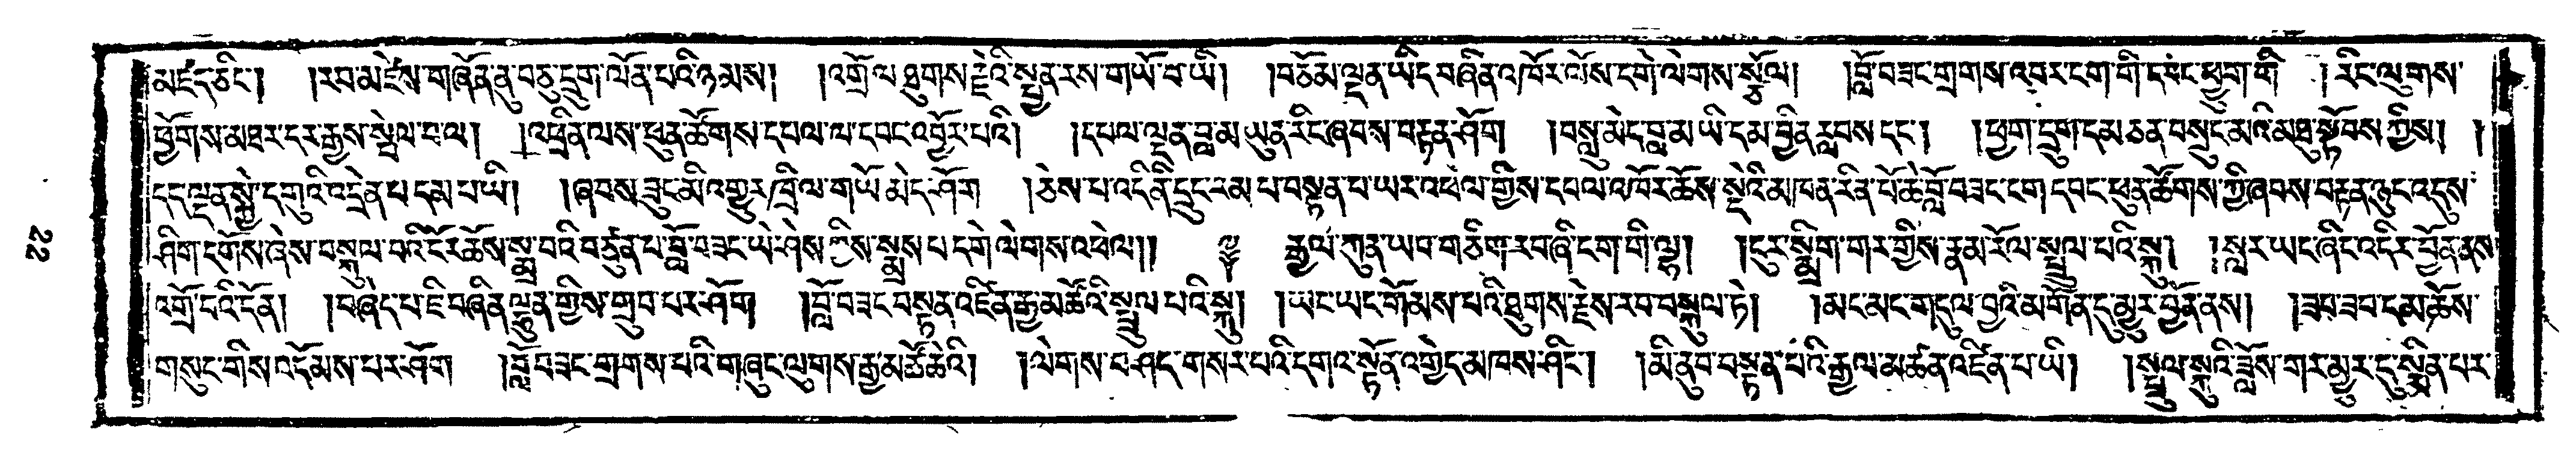མཛད་ཅིང་། །རབ་མཛེས་གཞོན་ནུ་བཅུ་དྲུག་ལོན་པའི་ཉམས། །འགྲོ་ལ་ཐུགས་རྗེའི་སྤྱན་རས་གཡོ་བ་ཡི། །བཅོམ་ལྡན་ཡིད་བཞིན་འཁོར་ལོས་དགེ་ལེགས་སྩོལ། །བློ་བཟང་གྲགས་འབར་ངག་གི་དབང་ཕྱུག་གི །རིང་ལུགས་
ཕྱོགས་མཐར་དར་རྒྱས་སྤེལ་བ་ལ། །འཕྲིན་ལས་ཕུན་ཚོགས་དཔལ་ལ་དབང་འབྱོར་པའི། །དཔལ་ལྡན་བླ་མ་ཡུན་རིང་ཞབས་བརྟན་ཤོག །བསླུ་མེད་བླ་མ་ཡི་དམ་བྱིན་རླབས་དང་། །ཕྱག་དྲུག་དམ་ཅན་བསྲུང་མའི་མཐུ་སྟོབས་ཀྱིས། །
དང་ལྡན་སྐྱེ་དགུའི་འདྲེན་པ་དམ་པ་ཡི། །ཞབས་ཟུང་མི་འགྱུར་ཁྲིལ་གཡོ་མེད་ཤོག །ཅེས་པ་འདི་ནི་དྲུང་རམ་པ་བསྟན་པ་ཡར་འཕེལ་གྱིས་དཔལ་འཁོར་ཆོས་སྡེའི་མཁན་རིན་པོ་ཆེ་བློ་བཟང་ངག་དབང་ཕུན་ཚོགས་ཀྱི་ཞབས་བརྟན་ཉུང་འདུས་
ཤིག་དགོས་ཞེས་བསྐུལ་བའི་ངོར་ཆོས་སྨྲ་བའི་བཙུན་པ་བློ་བཟང་ཡེ་ཤེས་ཀྱིས་སྨྲས་པ་དགེ་ལེགས་འཕེལ།། ༈ རྒྱལ་ཀུན་ཡབ་གཅིག་རབ་ཞིག་ངག་གི་ལྷ། །ངུར་སྨྲིག་གར་གྱིས་རྣམ་རོལ་སྤྲུལ་པའི་སྐུ། །སླར་ཡང་ཞིང་འདིར་བྱོན་ནས་
འགྲོ་བའི་དོན། །བཞེད་པ་ཇི་བཞིན་ལྷུན་གྱིས་གྲུབ་པར་ཤོག །བློ་བཟང་བསྟན་འཛིན་རྒྱ་མཚོའི་སྤྲུལ་པའི་སྐུ། །ཡང་ཡང་གོམས་པའི་ཐུགས་རྗེས་རབ་བསྐུལ་ཏེ། །མང་མང་གདུལ་བྱའི་མགོན་དུ་མྱུར་བྱོན་ནས། །ཟབ་ཟབ་དམ་ཆོས་
གསུང་གིས་འདོམས་པར་ཤོག །བློ་བཟང་གྲགས་པའི་གཞུང་ལུགས་རྒྱ་མཚོ་ཆེའི། །ལེགས་བཤད་གསར་པའི་དགའ་སྟོན་འགྱེད་མཁས་ཤིང་། །མི་ནུབ་བསྟན་པའི་རྒྱལ་མཚན་འཛིན་པ་ཡི། །སྤྲུལ་སྐུའི་ཟློས་གར་མྱུར་དུ་སྨིན་པར་